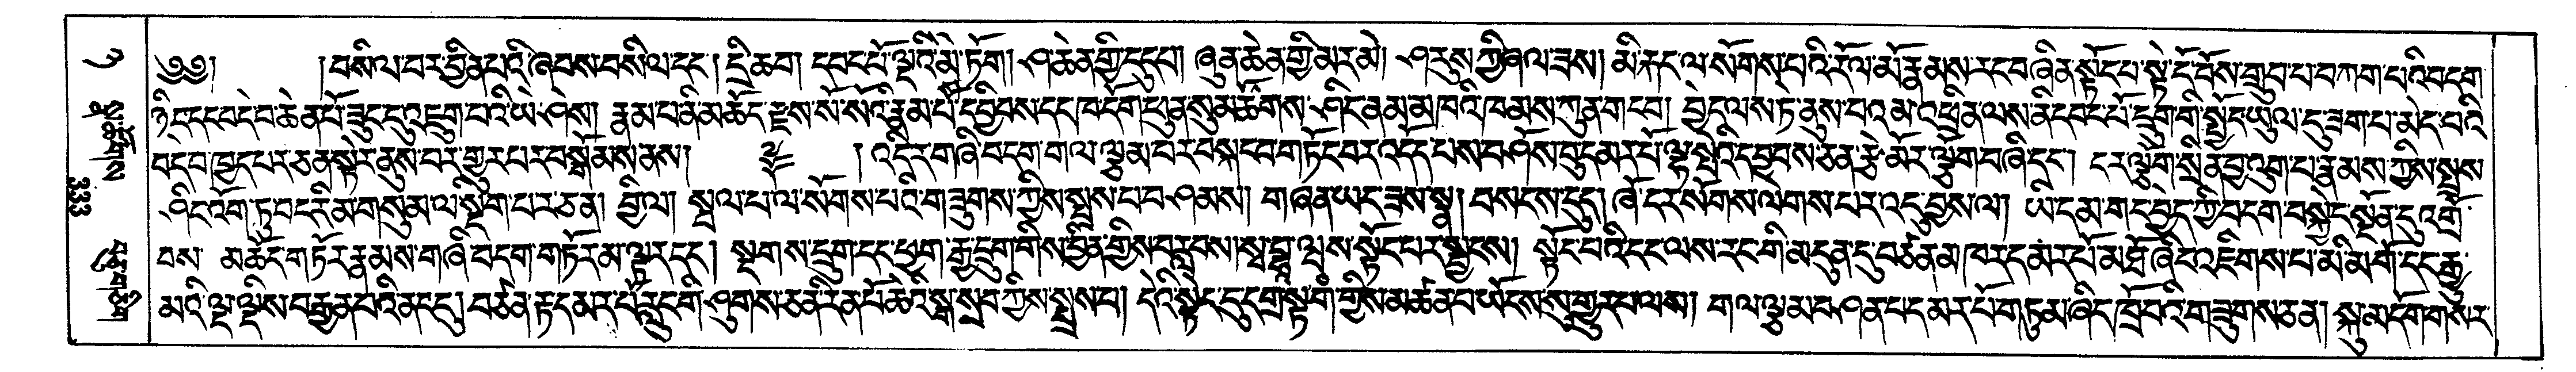༄༅། །བསིལ་བར་བྱིན་པའི་ཞབས་བསིལ་དང་། དྲི་ཆབ། དབང་པོ་ལྔའི་མེ་ཏོག །ཤ་ཆེན་གྱི་དུད་པ། ཞུན་ཆེན་གྱི་མར་མེ། ཤ་རུས་ཀྱི་ཞལ་ཟས། མི་རྐང་ལ་སོགས་པའི་རོལ་མོ་རྣམས་རང་བཞིན་སྟོང་པ་སྟེ་ངོ་བོས་གྲུབ་པ་བཀག་པའི་བདག་
ཉིད་དང་བདེ་བ་ཆེན་པོ་ཟུང་དུ་འཇུག་པའི་ཡེ་ཤེས། རྣམ་པ་ནི་མཆོད་རྫས་སོ་སོའི་རྣམ་པ་དབྱིབས་དང་ཁ་དོག་ཕུན་སུམ་ཚོགས་ཤིང་ནམ་མཁའི་ཁམས་ཀུན་གང་བ། བྱེད་ལས་ཏེ་ནུས་པའམ་འཕྲིན་ལས་ནི་དབང་པོ་དྲུག་གི་སྤྱོད་ཡུལ་དུ་ཟག་པ་མེད་པའི་
བདེ་བ་ཁྱད་པར་ཅན་སྟེར་ནུས་པར་གྱུར་པར་བསྒོམས་ནས། ༈ །འདིར་གཞི་བདག་གལ་ལྕམ་པར་བསྒང་བ་གཏོང་བར་འདོད་པས་བཤོས་བུ་དམར་པོ་ལྟ་སྤེའི་དབྱིབས་ཅན་རྩེ་མོར་ལྕོག་བཞི་དང་། དར་ལྕོག་སྲིན་བྱ་འུག་པ་རྣམས་ཀྱིས་སྤྲས་
ཤིང་འོག་ཏུ་བང་རིམ་གསུམ་ལ་སྡིག་པ་རྭ་ཅན། བྱི་ལ། སྦལ་པ་ལ་སོགས་པའི་གཟུགས་ཀྱིས་སྤྲས་པ་བཤམས། གཞན་ཡང་ཟས་སྣ། བསངས་དུད། ཞོ་དར་སོགས་ལེགས་པར་འདུ་བྱས་ལ། ཡི་དམ་གང་བྱེད་ཀྱི་བདག་བསྐྱེད་སྔོན་དུ་འགྲོ་
བས། མཆོད་གཏོར་རྣམས་གཞི་བདག་གཏོར་མ་ལྟར་དང་། སྔགས་དྲུག་དང་ཕྱག་རྒྱ་དྲུག་གིས་བྱིན་གྱིས་བརླབས། སྭ་བྷཱ་ཝས་སྟོང་པར་སྦྱངས། སྟོང་པའི་ངང་ལས་རང་གི་མདུན་དུ་བཙན་མཁར་དམར་པོ་མཐོ་ཞིང་འཇིགས་པ་མི་མགོ་དང་རྒྱུ་
མའི་ལྔ་ལྡིས་བརྒྱན་པའི་ནང་དུ། བཙན་རྟ་དམར་པོ་རླུང་གི་ཤུགས་ཅན་རིན་པོ་ཆེའི་སྒ་སྲབ་ཀྱིས་སྤྲས་པ། དེའི་སྟེང་དུ་དགྲ་སྟ་གཾ་གྱིས་མཚན་པ་ཡོངས་སུ་གྱུར་པ་ལས། གལ་ལྕམ་བཤན་ཕ་དམར་པོ་གཏུམ་ཞིང་ཁྲོ་བའི་གཟུགས་ཅན། སྐུ་མདོག་གསར་